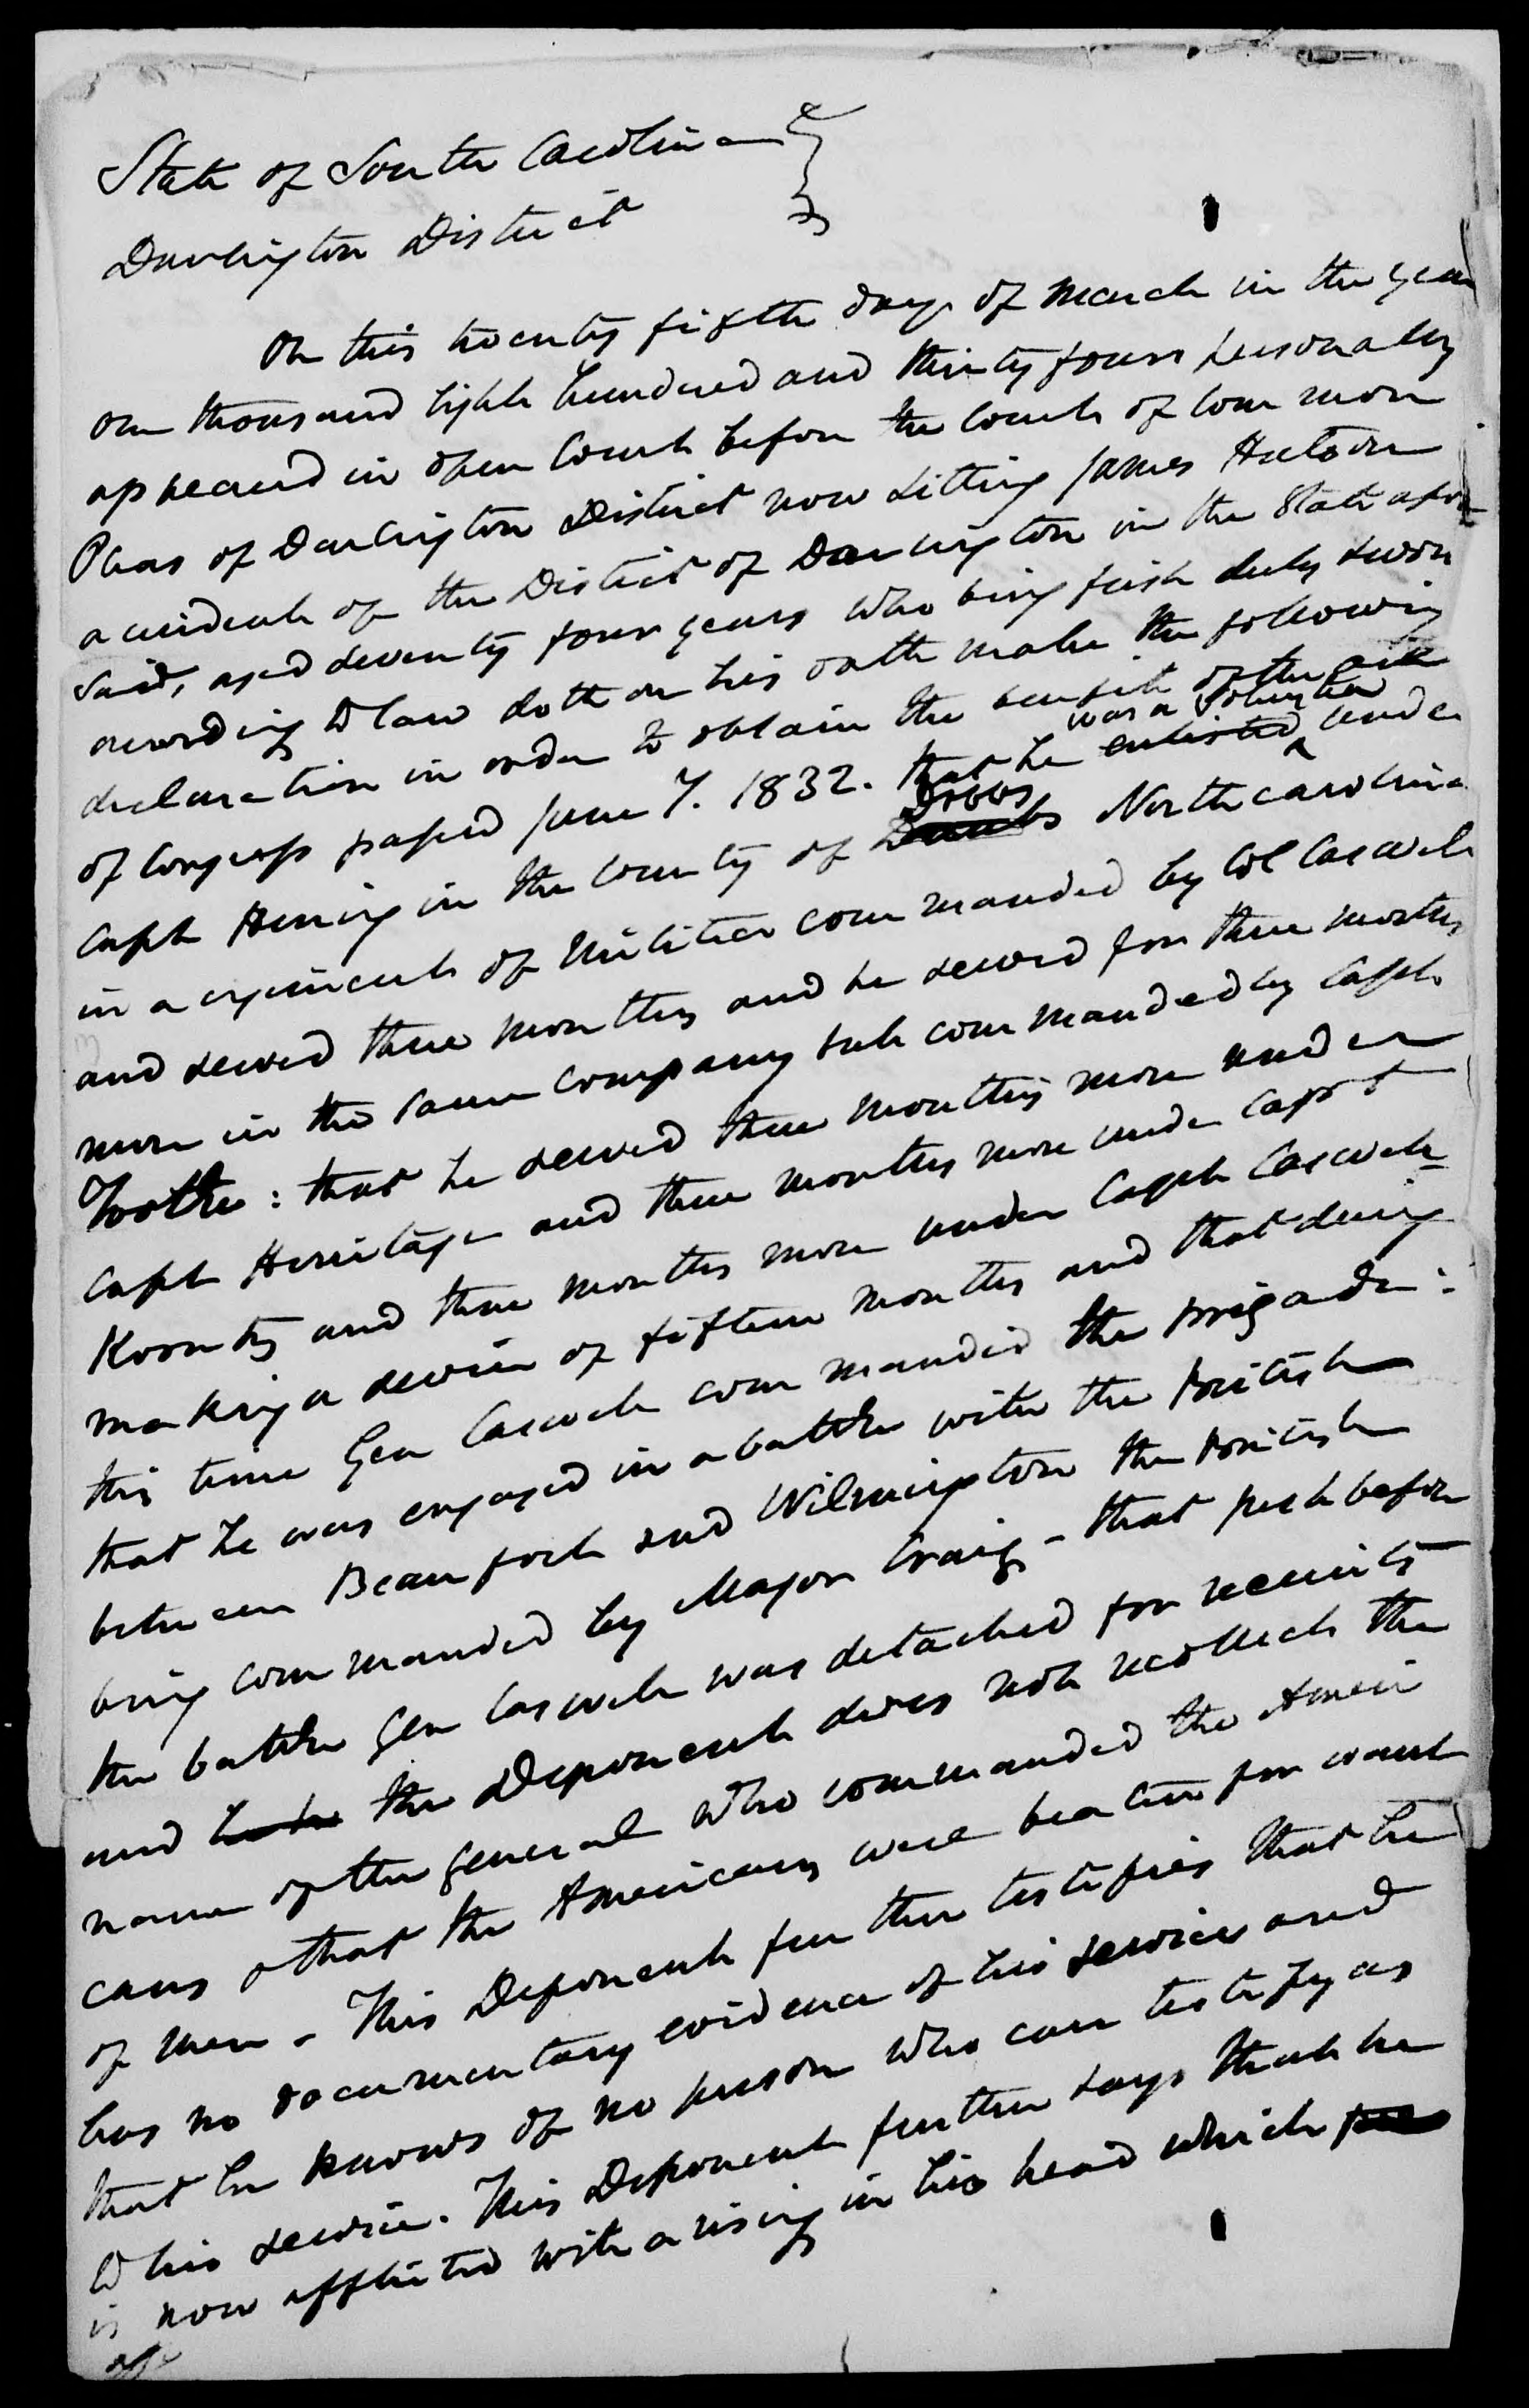State of South Carolina}
Darlington District}

On this twenty fifth day of March in the year one thousand eight hundred and thirty four personally appeared in open court before the Court of Common Pleas of Darlington District now sitting James Hector a resident of the District of Darlington in the State aforesaid, aged seventy-four years who being first duly sworn according to law doth on his oath make the following declaration in order to obtain the benefit of the act of congress passed June 7.1832. that he was a Volunteer ["enlisted" crossed out] under Capt. Henry in the county of Dobbs, North Carolina in a regiment of Militia commanded by Col Caswel and served  three months, and he served for three months more in the same Company but commanded by Capt. Toothe: that he served three months more under Capt Herritage and three months more under Capt Koontz and three months more under Capt Caswel making a service of fifteen months and that during this time Gen Caswell commanded the brigade- that he was engaged in a battle with the British between Beaufort and Wilmington the British being commanded by Major Craig - that push[?] before the battle Gen Caswel was detached for security - and the Deponent does not recollect the name of the general who commanded the Americans and the Americans were [beaten for want of them.] This Deponent further testifies that he has no documentary evidence of his service and that he knows of no person who can testify as to his service. This Deponent further says that he is now afflicted with a [illegible] in his head which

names: Craig, Henry, Toothe, Caswel, Herritage, Koontz, James Hutson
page: 2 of 33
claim: rejected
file: R. 5334, James Hudson, N.C.